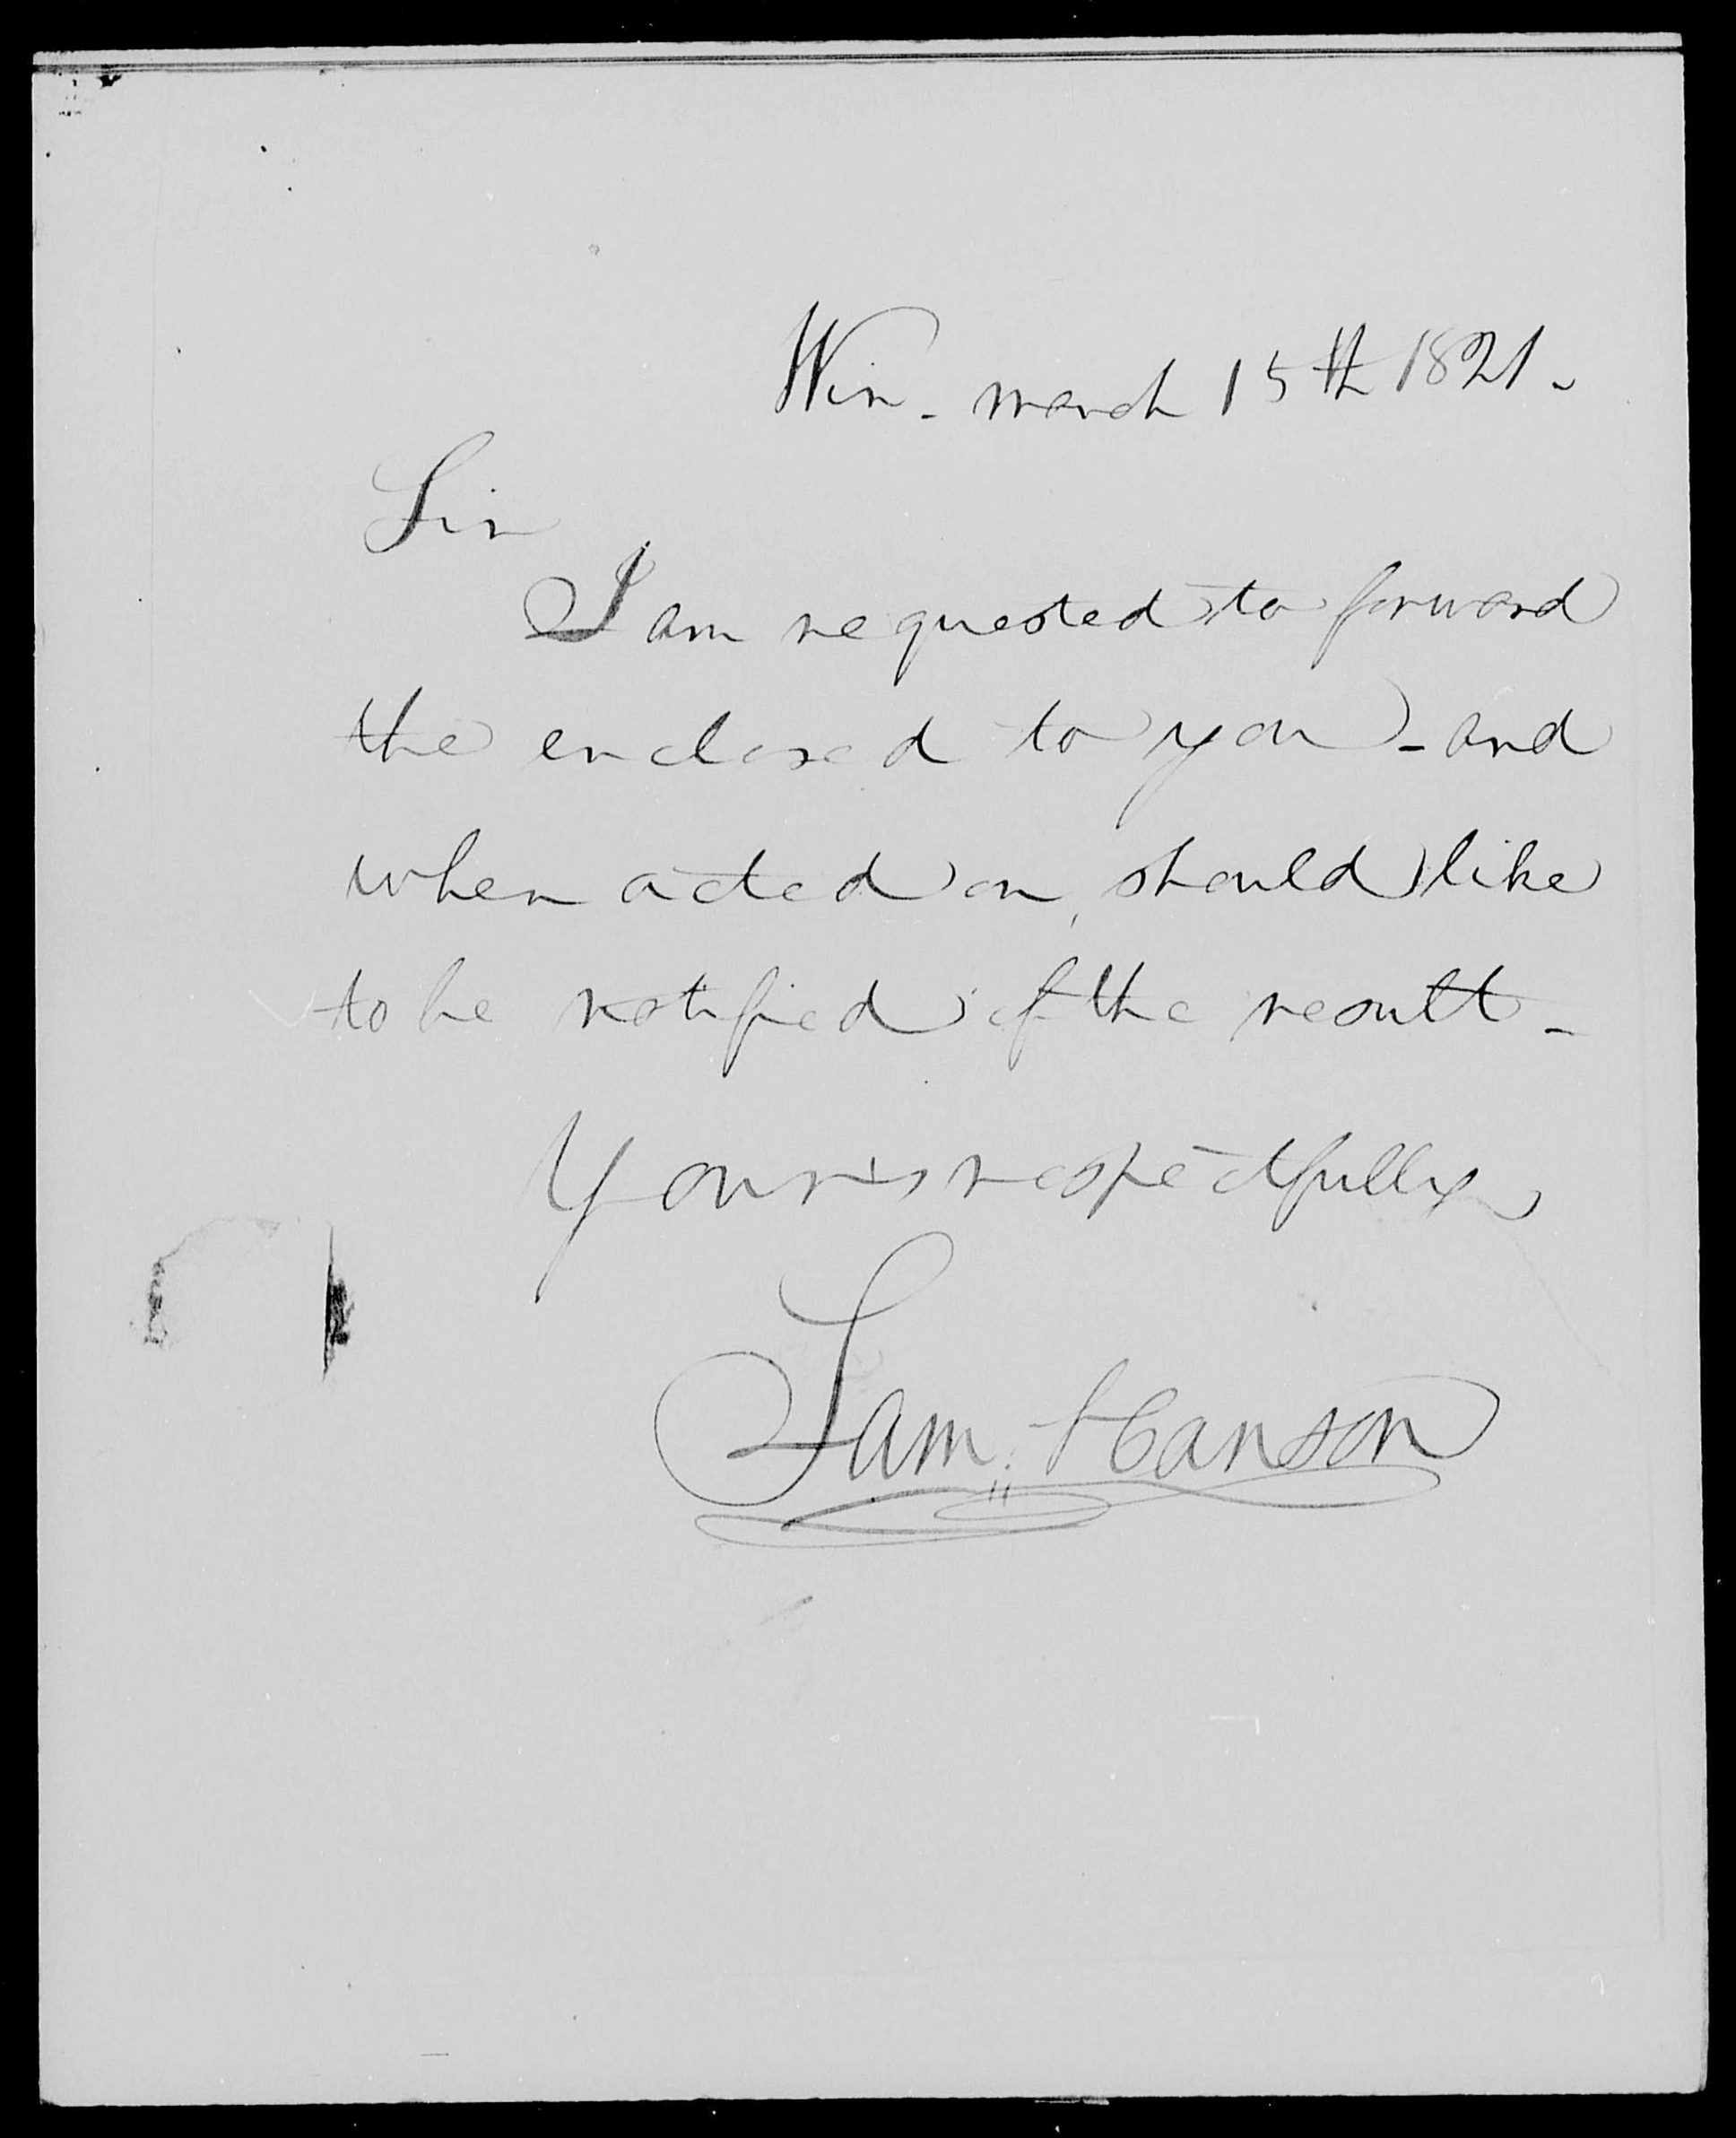Win - march 15th 1821 -

Sir
I am requested to forward the enclosed 
to you - and when acted on, should like 
to be notified of the result -
Yours respctfully 
Sam Hansom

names: Sam Hanson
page: 22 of 23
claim: survivor's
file: S 35903, John Dunn, Va.